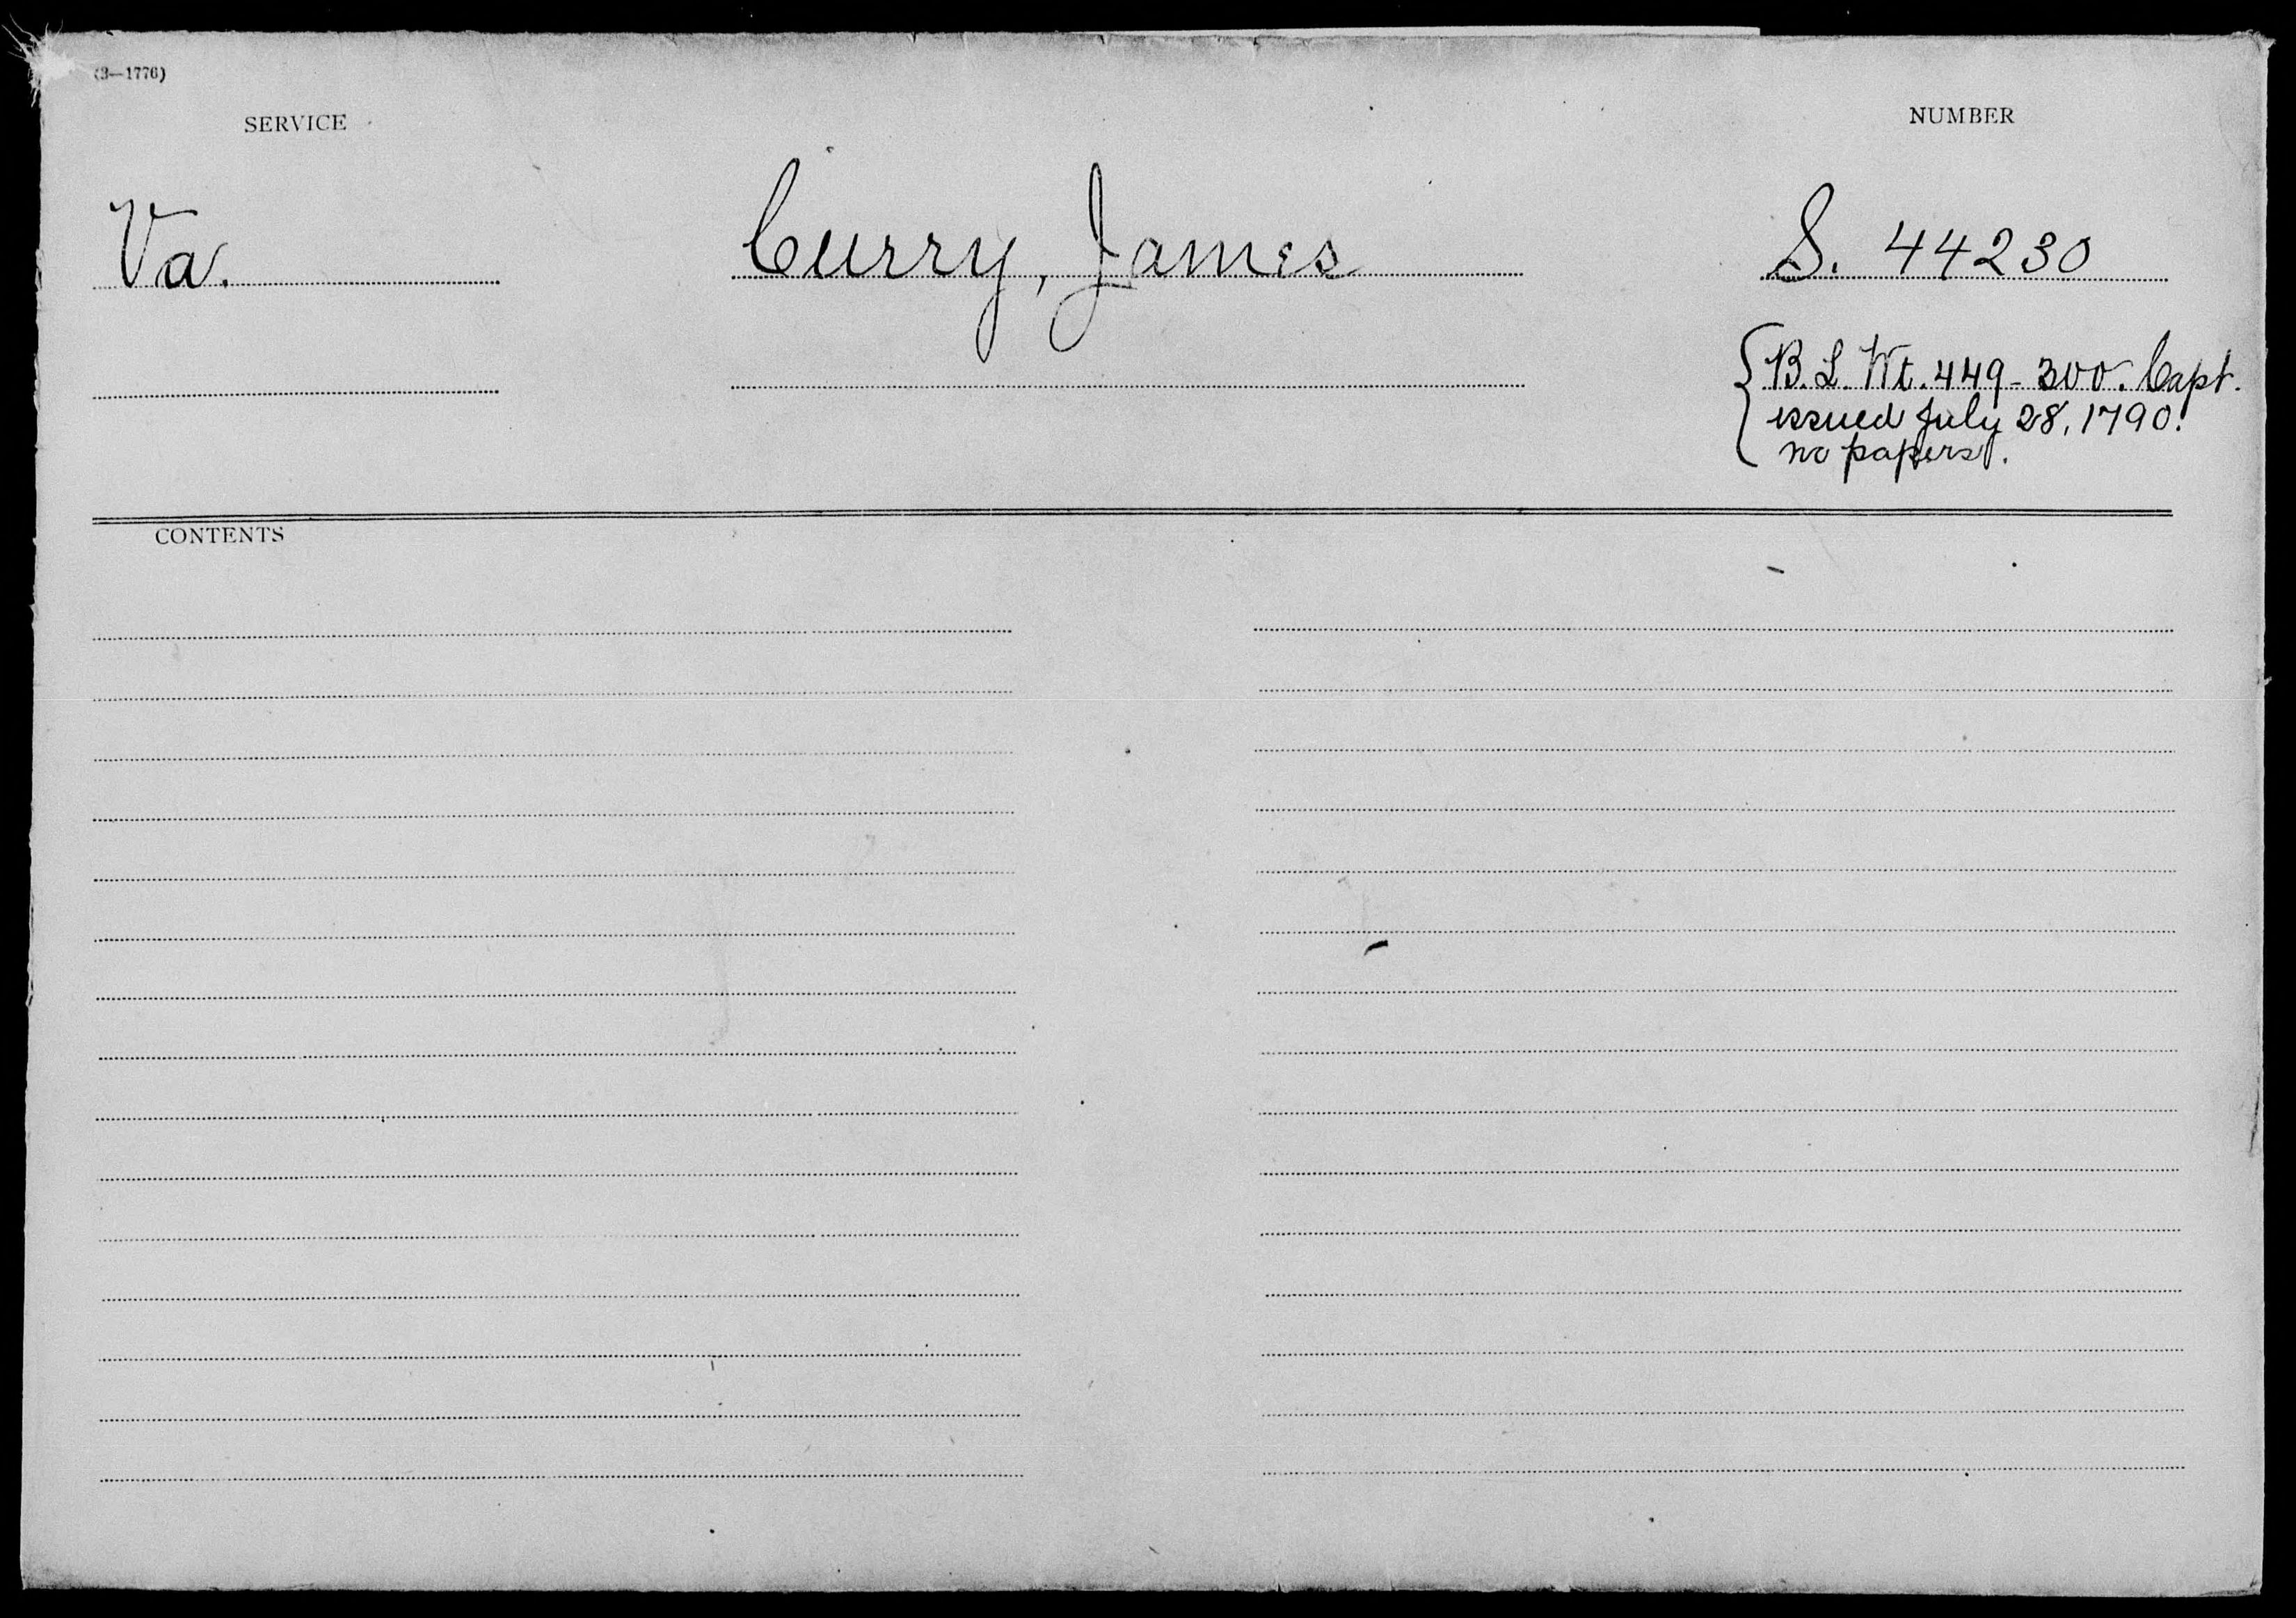SERVICE
Va.
Curry, James
NUMBER
S. 44230
B.L. Wt. 449-300 Capt.
issued July 28, 1790.
no papers.

CONTENTS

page: 1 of 32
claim: survivor's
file: S. 44230, James Curry, Va.